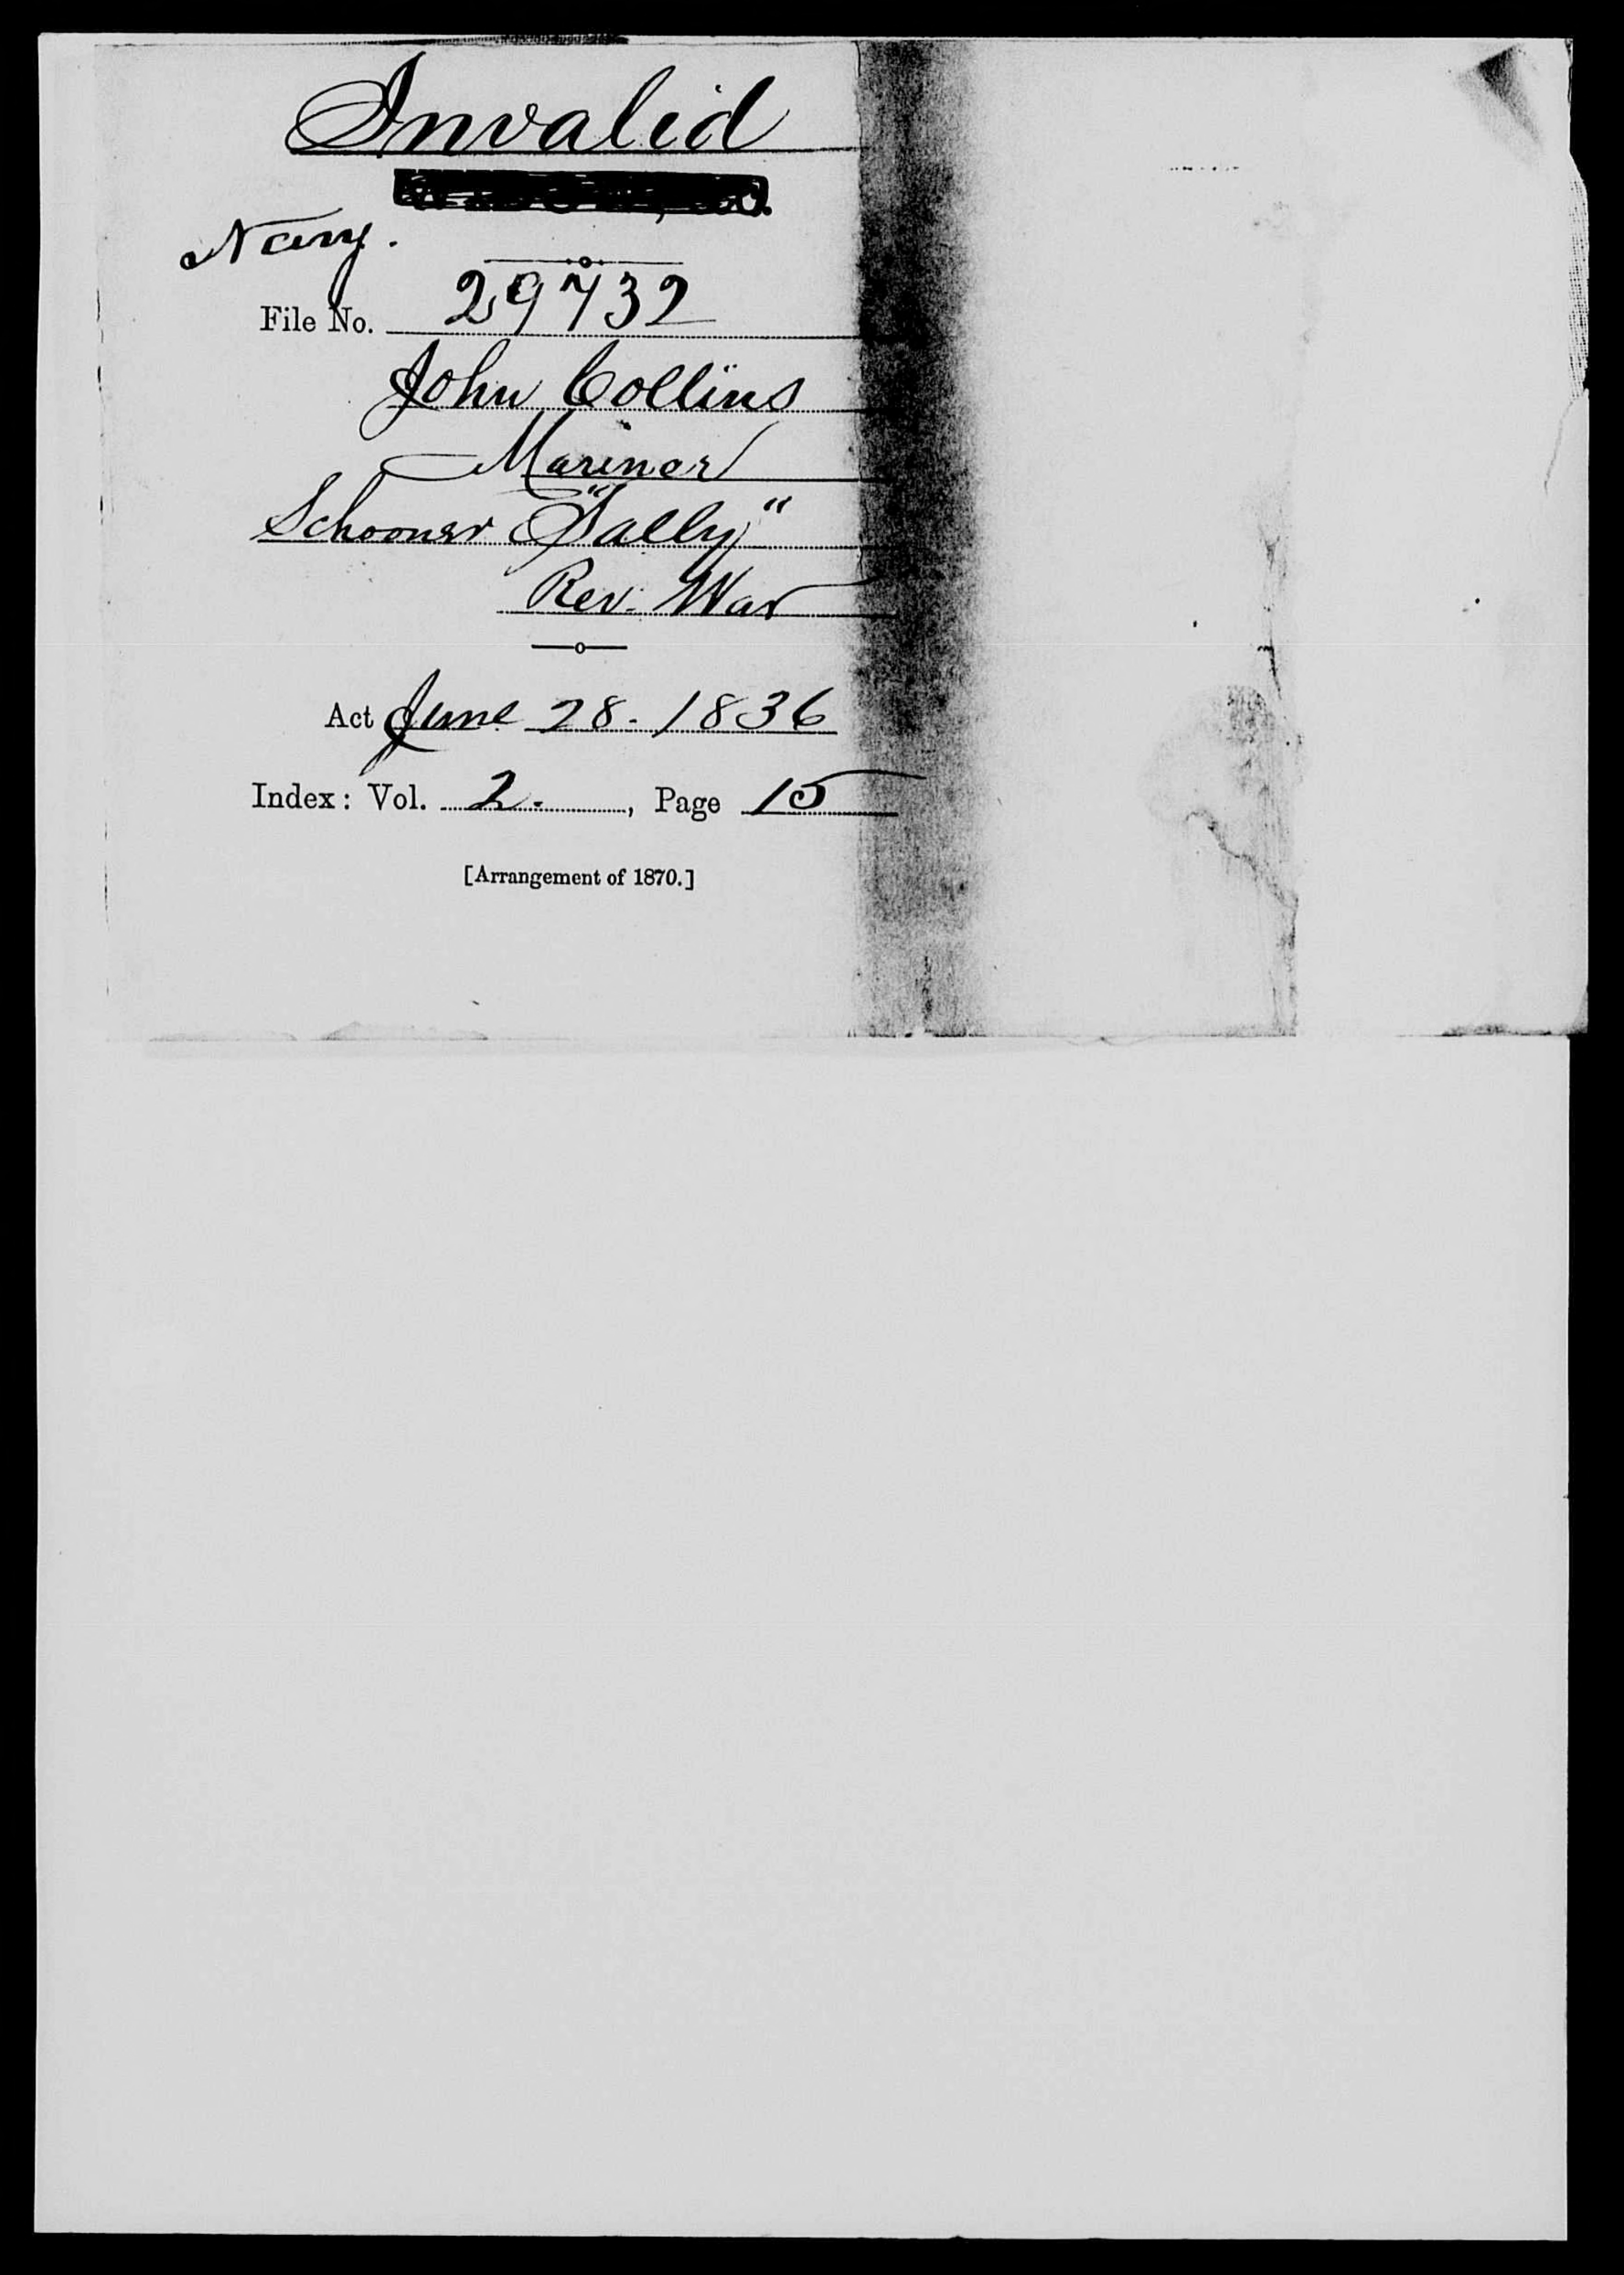Invalid
[illegible]
[handwritten added to form:] Navy
File No.
29732
John Collins 
Mariner
Schooner Sally"
Rev. War
Act June 28. 1836
Index: Vol. 2, Page 15
[Arrangement of 1870.]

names: John Collins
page: 5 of 43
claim: survivor's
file: S. 29,732, John Collins, Mass. Navy